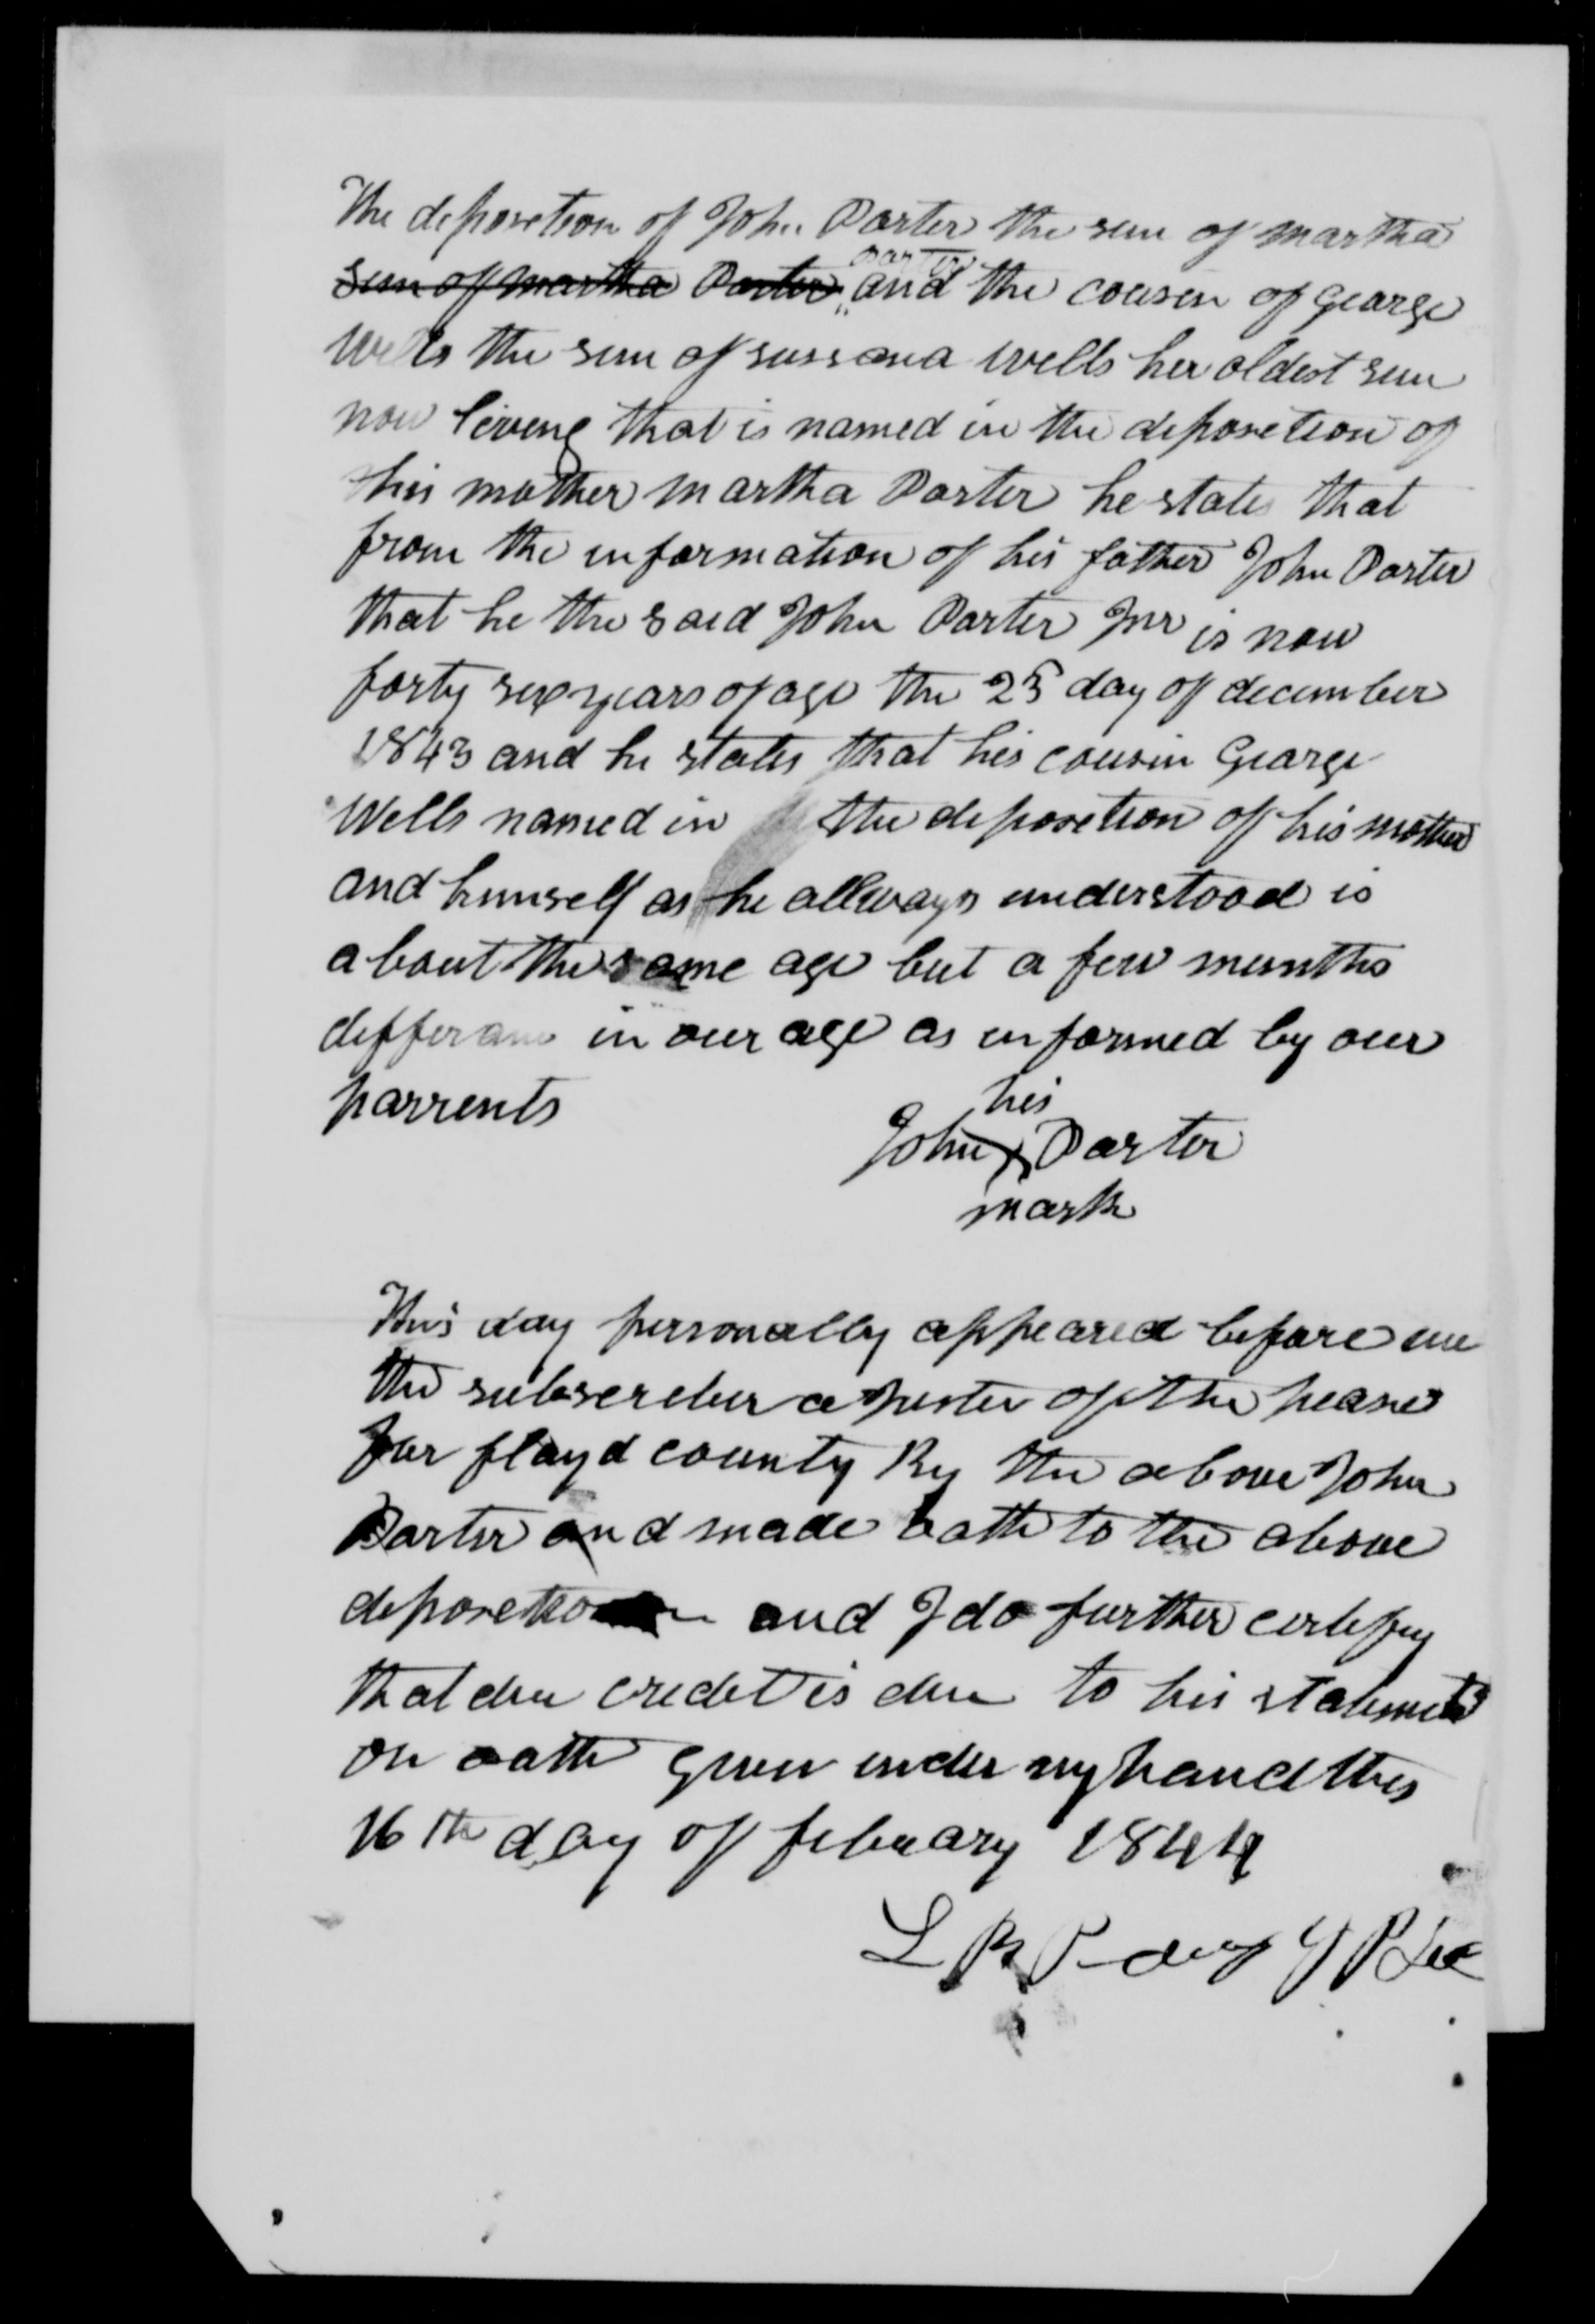The deposition of John Porter the son of Martha Porter and the cousin of George Wells the son of Sussana Wells her oldest son now living that is named in the deposition of his mother Martha Porter he states that from the information of his father John Porter that he the said John Porter Jnr is now forty six years of age the 23 day of december 1843 and he states that his cousin George Wells named in the deposition of his mother and himself as he allways understood is about the same age but a few months differance in our age as informed by our parents
John X Porter his mark 
This day personally appeared before me the subscriber a paster of the thene for play & county By the above John Porter and made oath to the above deponeton and I do further certify that his credit is due to his statement on oath given under my hand this 16th day of february 1844 L B Perez JP &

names: Martha Porter, George Wells, John Porter, Sussana Wells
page: 30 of 100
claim: widow's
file: W. 6437, Richard Wells, Ga Va.